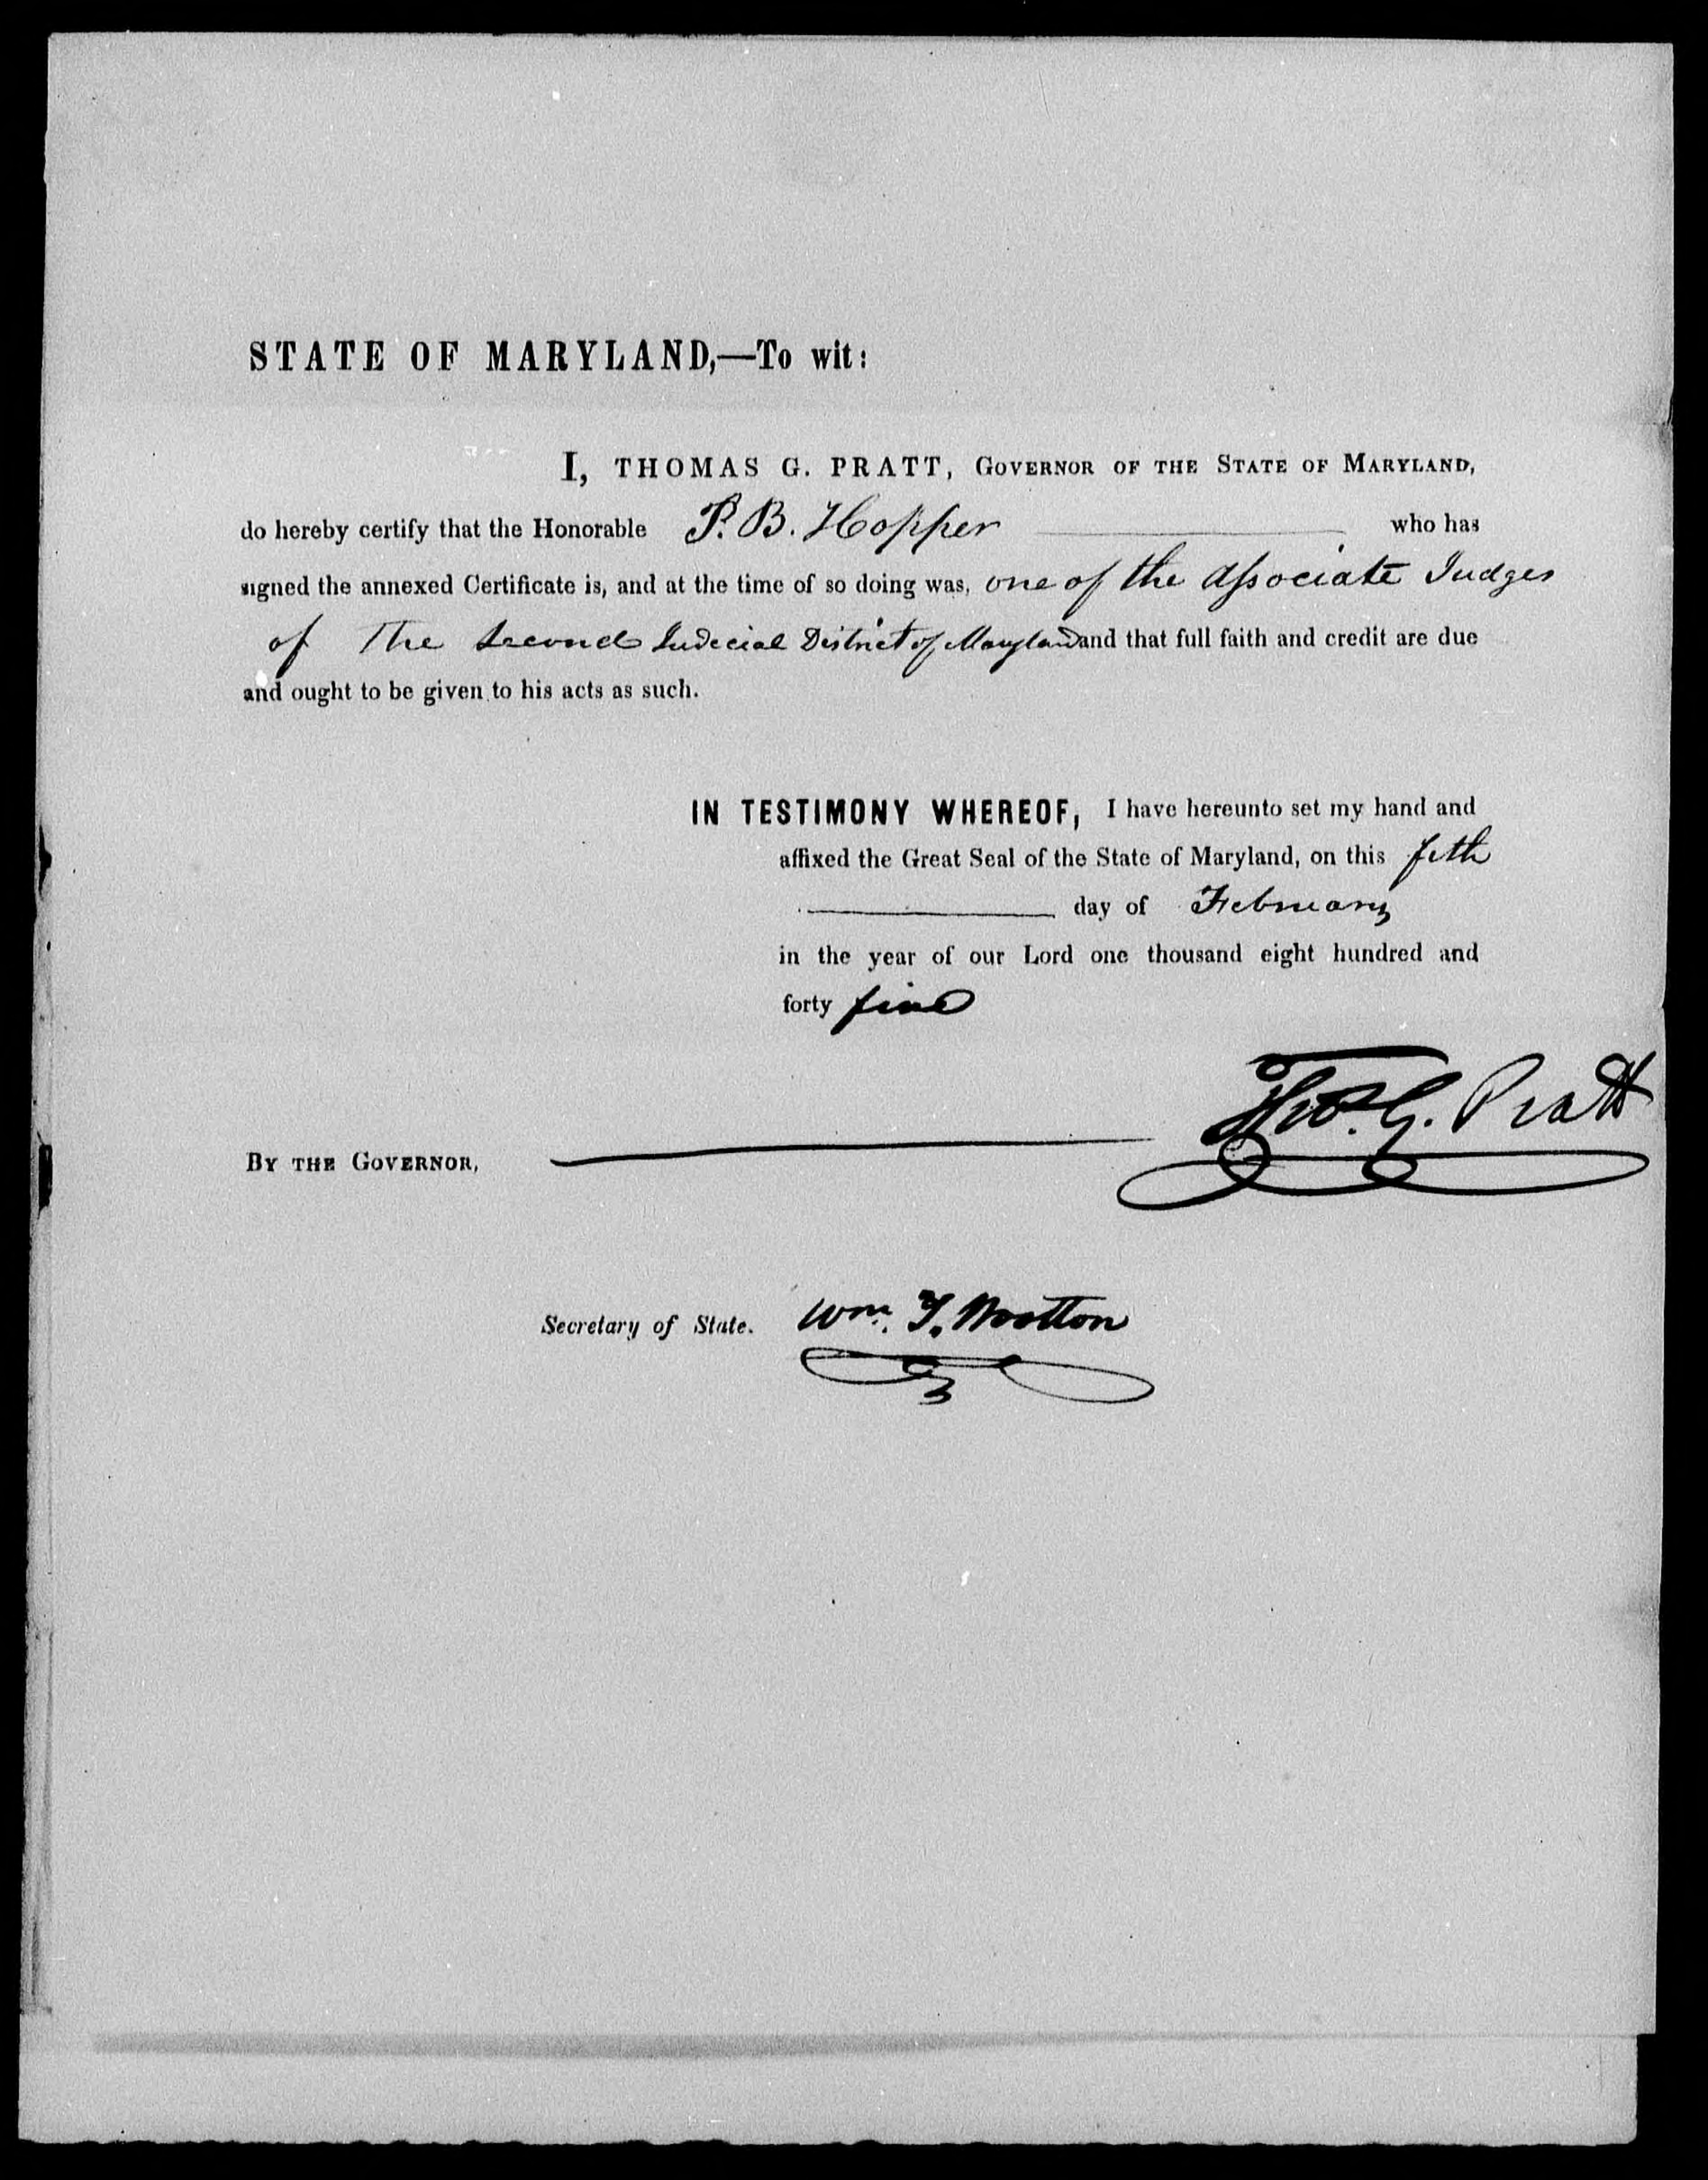STATE OF MARYLAND,-To wit:

I, THOMAS G.  PRATT, GOVERNOR OF THE STATE OF MARYLAND,
do hereby certify that the Honorable P.B. Hopper, who has signed the annexed Certificate is, and at the time of so doing was, one of the associate judges of the Second Judicial District of Maryland and that full faith and credit are due and ought to be given to his acts as such.

IN TESTIMONY WHEREOF, I have hereunto set my hand and affixed the Great Seal of the State of Maryland, on this fifth day of February in the year of out Lord one thousand eight hundred and forty five.

BY THE GOVERNOR, (signed) Thos. G. Pratt

Secretary of State. Wm. T. Wootton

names: Thos G Pratt, P B Hopper, Thomas G Pratt, Wm T Wootton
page: 6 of 26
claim: widow's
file: W 25651, Robert Cross, Md.